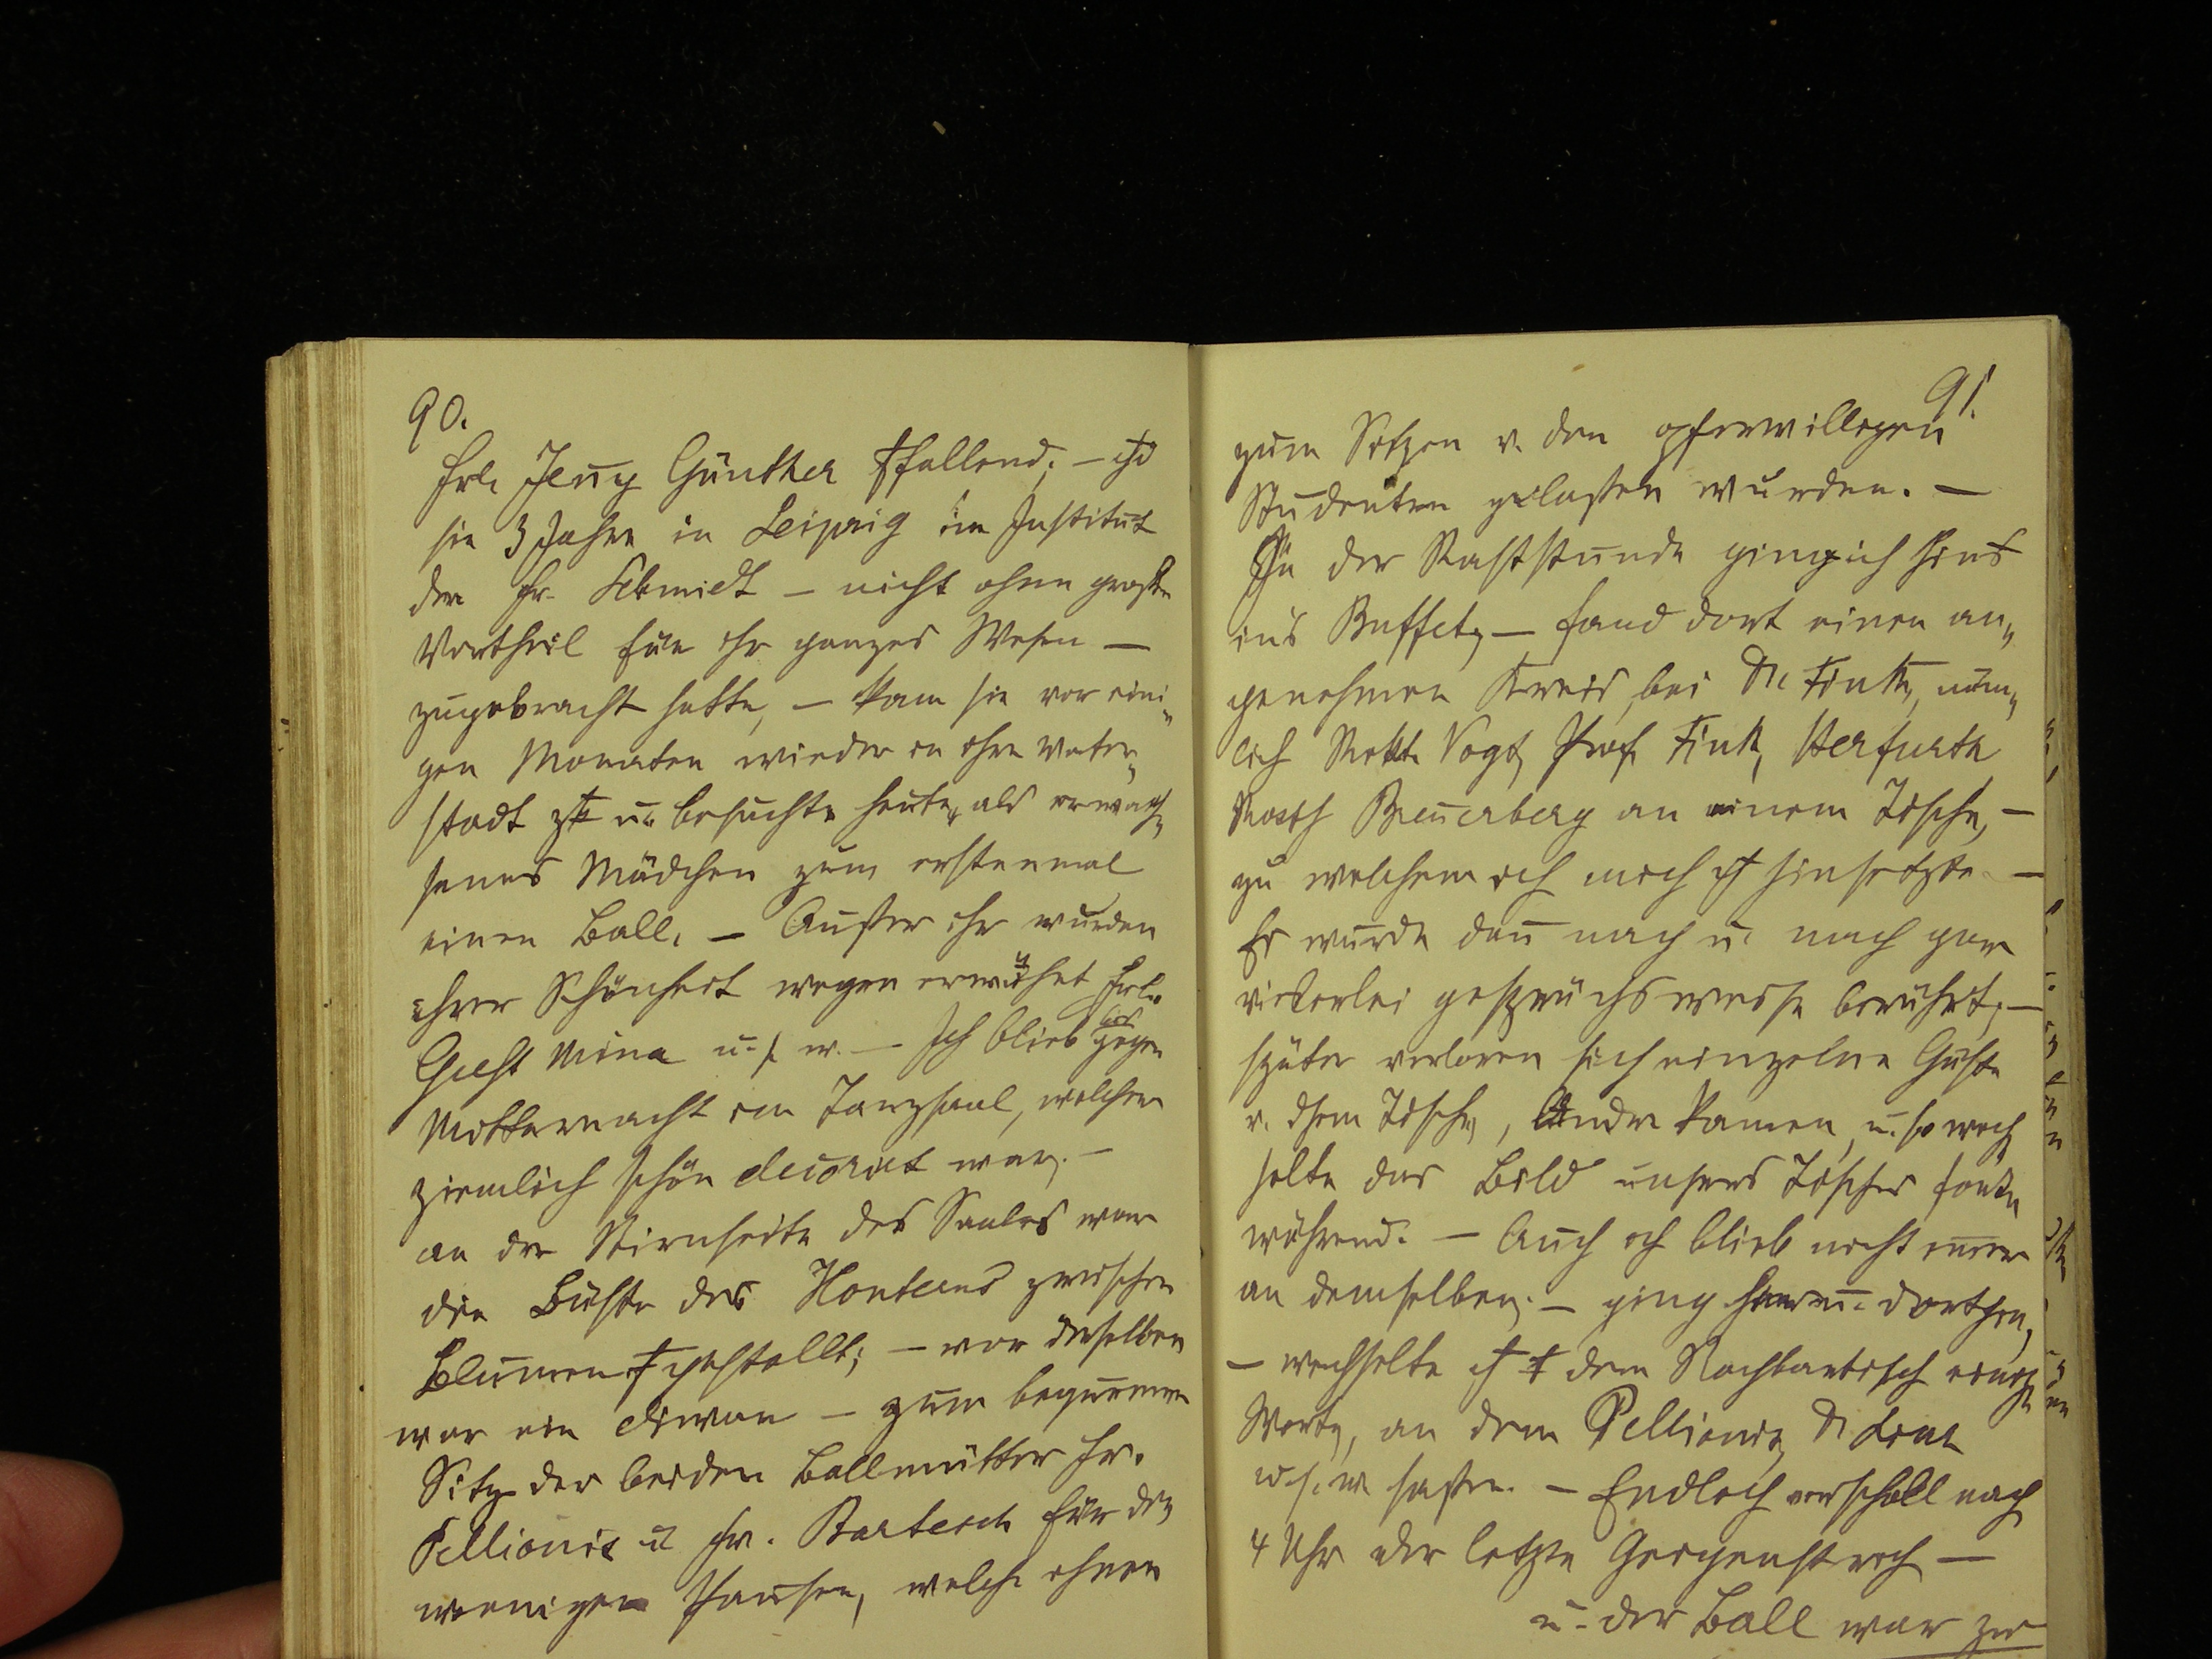90
Frl. Jenny Günther auffallend;- nachdem
sie 3 Jahre in Leipzig im Institut
der Fr. Schmidt - nicht ohne großen
Vorteil für ihr ganzes Wesen –
zugebracht hatte,- kam sie vor eini¬
gen Monaten wieder in ihre Vater¬
stadt zurück und besuchte heute als erwach¬
senes Mädchen zum erstenmal
einen Ball.- Außer ihr wurden
ihrer Schönheit wegen erwähnt Frl.
Guth Mina u.s.w. - Ich blieb bis gegen
Mitternacht im Tanzsaal, welcher
ziemlich schön decoriert war.-
An der Stirnfront des Saales war
die Büste des Honterus zwischen
Blumen gestellt.- vor derselben
war ein Diwan zum bequemen
Sitz der beiden Ballmütter Fr. ?
Sellionis und Fr.Bartesch für die
wenigen Pausen, welche ihnen
91
zum Sitzen von den opferwilligen
Studenten gelassen wurden.-
In der Raststunde ging ich hinaus
ins Buffet, - fand dort einen an¬
genehmen Kreis, bei Dr. Fink, näm¬
lich Rekt. Vogt, Prof. Fink, Herfurth,
Noth. Beuerberg an einem Tisch, -
zu welchen ich mich auch hinsetzte.
Es wurde dann nach und nach gar
vielerlei gesprächsweise berührt,-
später verloren sich einzelne Gäste
von diesem Tisch, andere kamen und so wech¬
selte das Bild unseres Tisches fort¬
während.- Auch ich blieb nicht immer
an demselben. –Ging hinaus und.dorthin,
- wechselte mit den Nachbartisch einige
Worte,an dem Pelliani, Dr. Lenz
u.s.w. saßen.- Endlich erschall nach
4 Uhr der letzte ?Geigenstrich-
und der Ball war zur